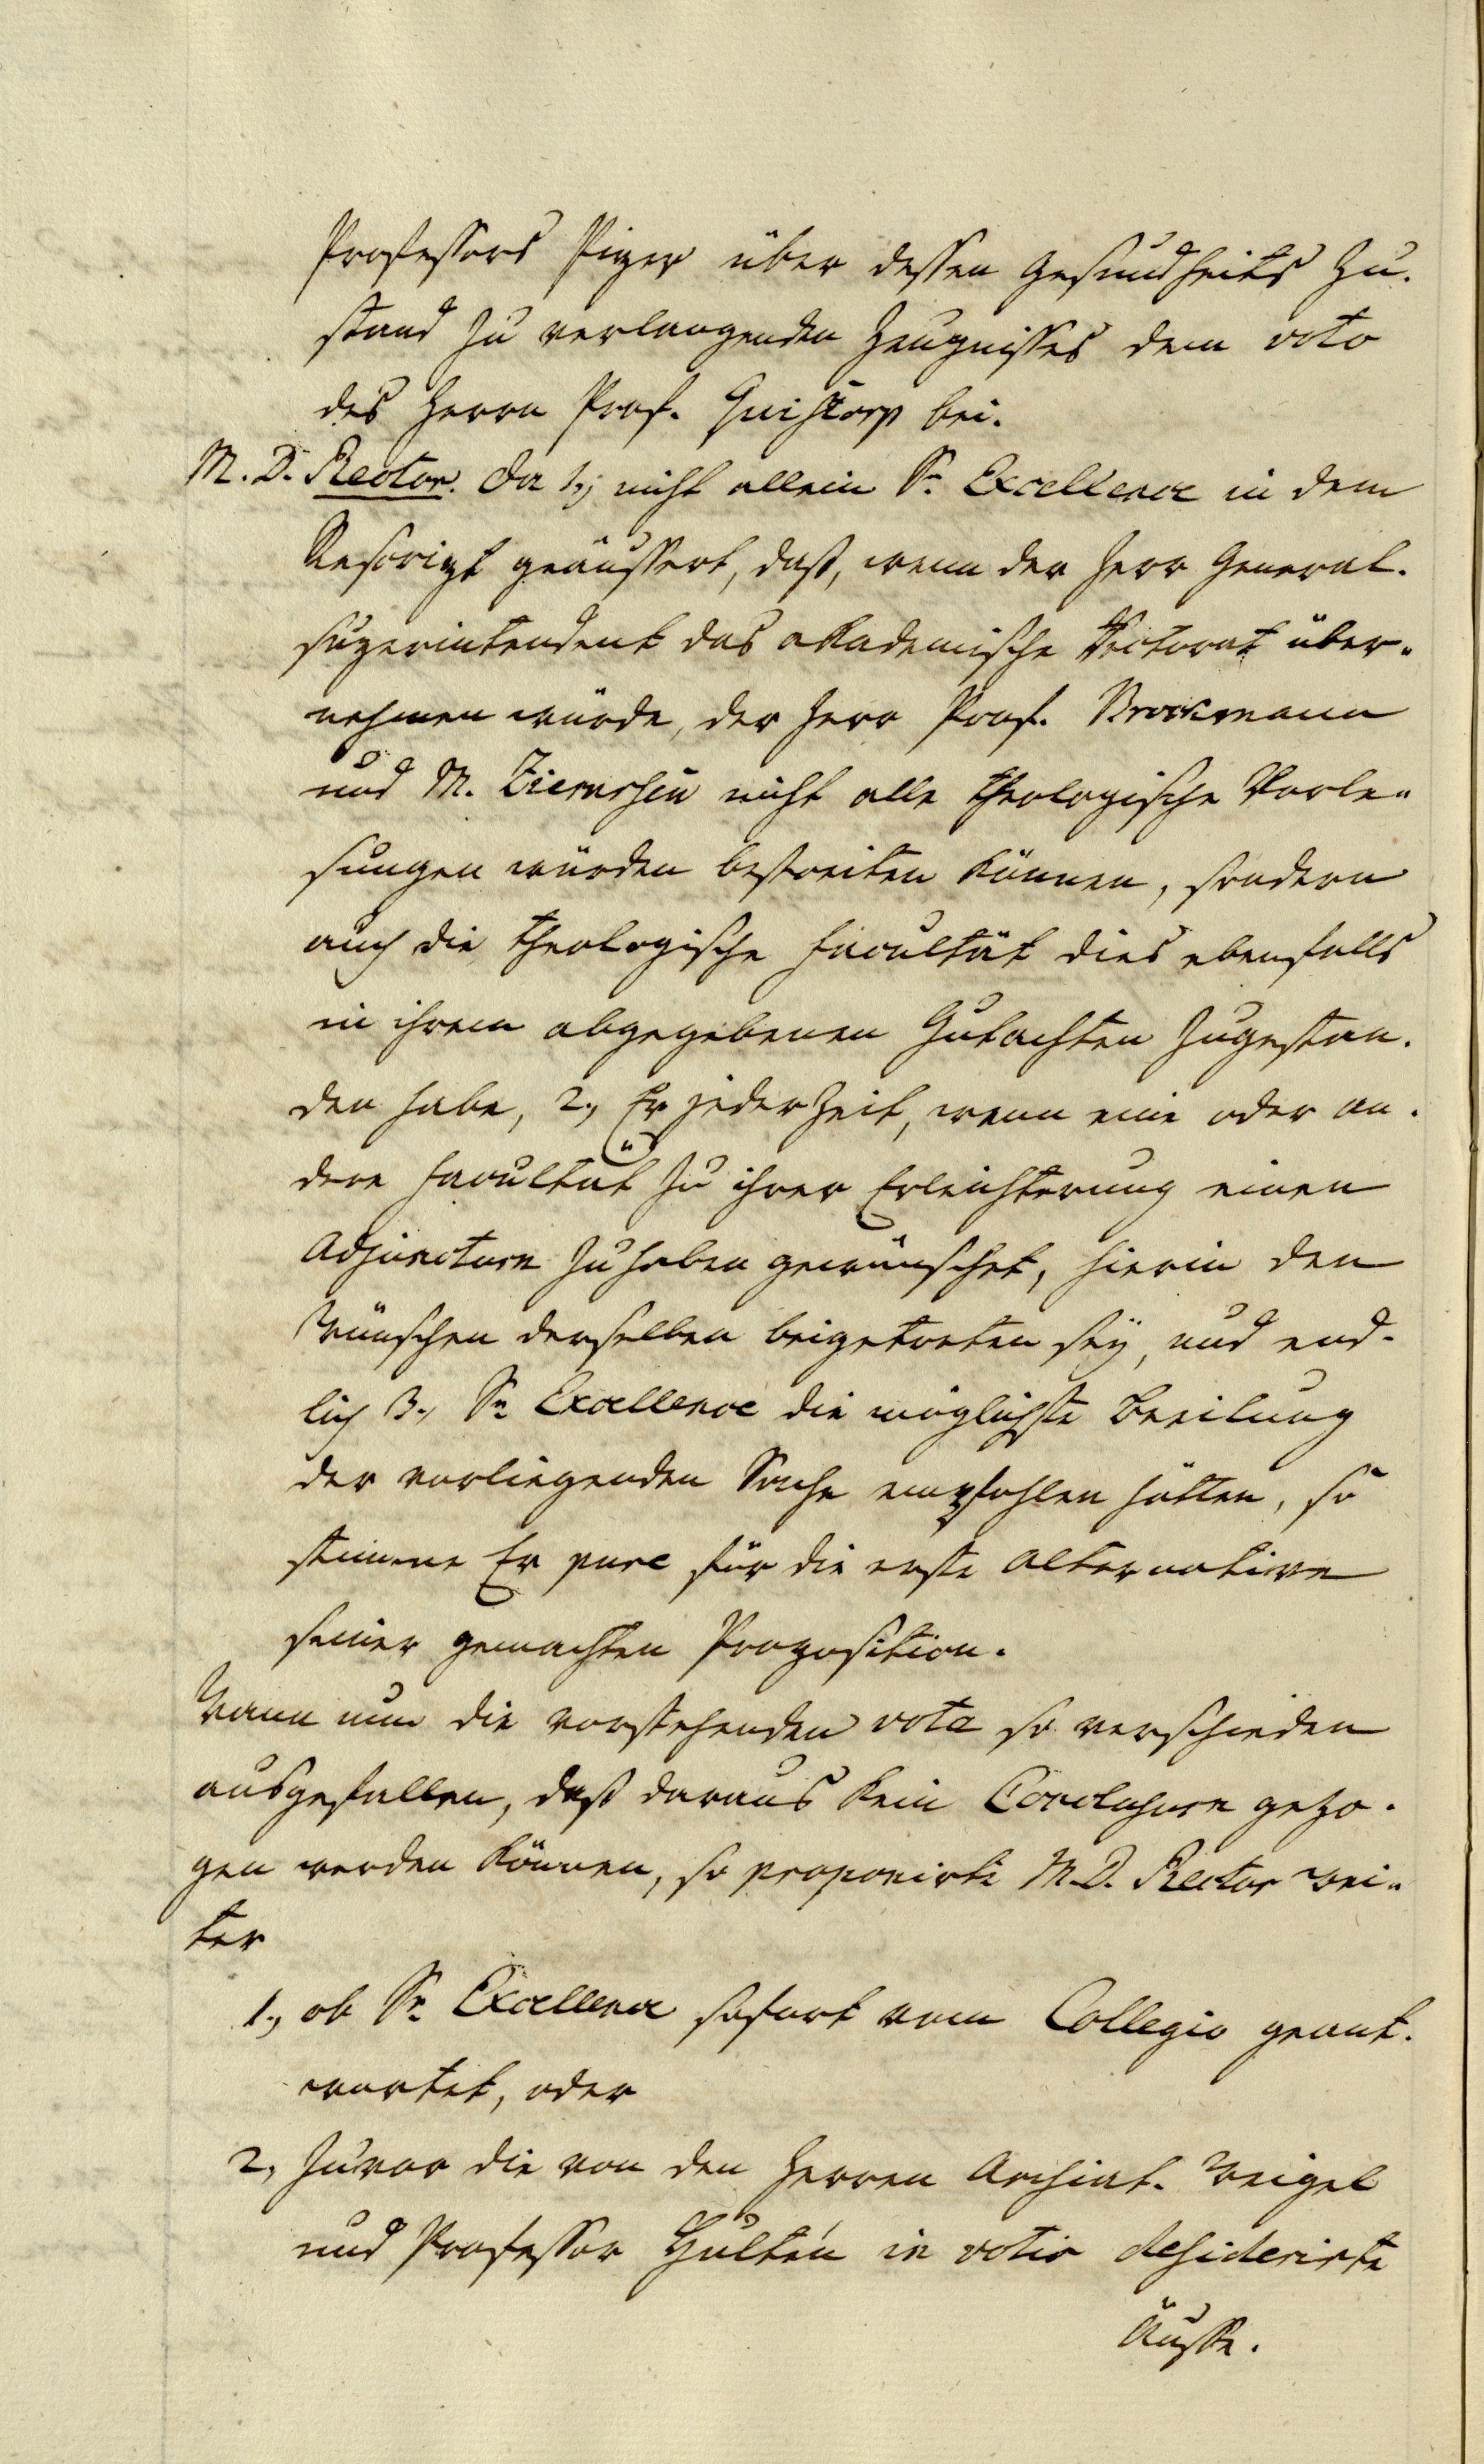Professors Piper über dessen Gesundheits zu¬
stand zu verlangenden Zeugnisses dem voto
des Herrn Prof. Quistorp bei.
M. D. Rector Da 1., nicht allein Sr Excellence in dem
Rescript geäussert, daß, wenn der Herr General¬
superintendent das akademische Rectorat über¬
nehmen würde, der Herr Prof. Brockmann
und M. Ziemssn nicht alle theologische Vorle¬
sungen würden bestreiten können, sondern
auch die Theologische Facultät dies ebenfalls
in ihrem abgegebenen Gutachten zugestan¬
den habe, 2.,Er jeder Zeit, wenn eine oder an¬
dere Facultät zu ihrer Erleichterung einen
Adjunctum zu haben gewünschet, hierin den
Wünschen derselben beigetreten seÿ, und end¬
lich 3., Sr Excellence die möglichste Beeilung
der vorliegenden Sache empfohlen hätten, so
stimme Er pure für die erste Alternatie
seiner gemachten Proposition.
Wann nun die vorstehenden vota so verschieden
ausgefallen, daß daraus kein Conclusum gezo¬
gen werden können, so proponirte M. D Rector wei¬
ter
1., ob Sr Excellence sofort vom Collegio geant¬
wortet, oder
2, zuvor die von den Herren Archiat. Weigel
und Professor Hultén in votis desiderirte
Äusse¬